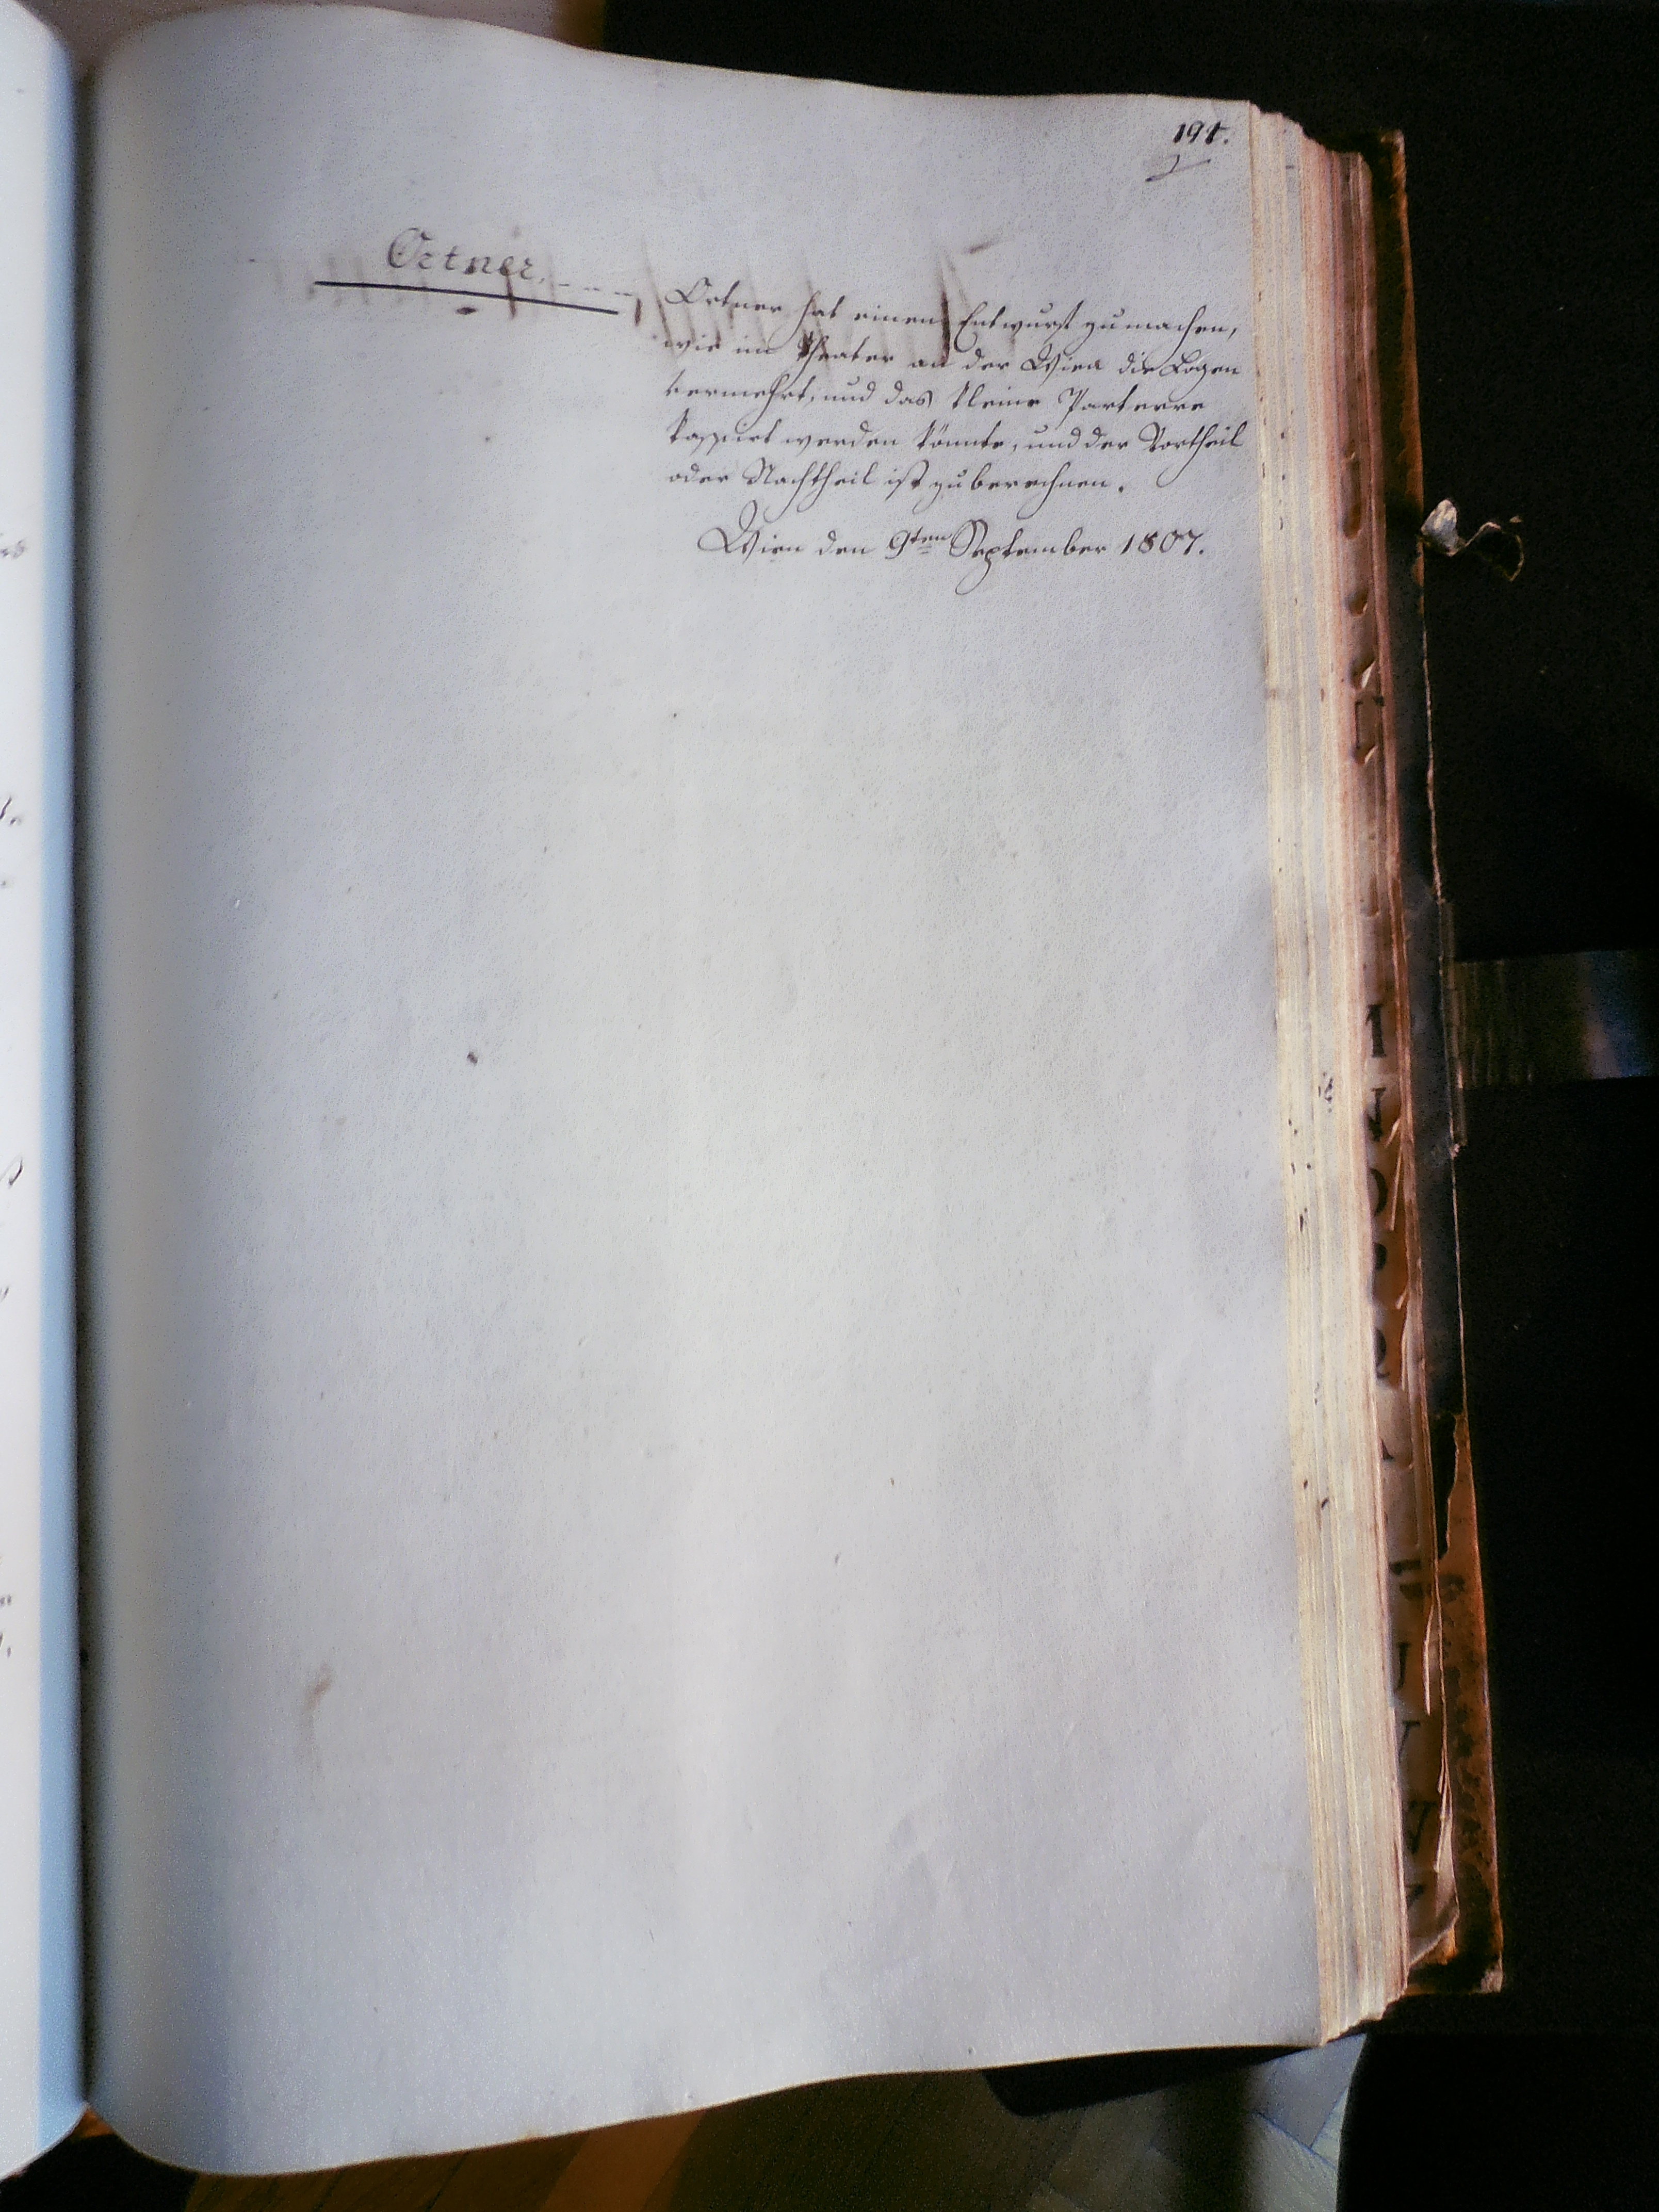191.
Ortner. .. .. .. Ortner hat einen Entwurf zumachen,
wie im Theater an der Wien die Logen
vermehrt, und das kleine Parterre
kassirt werden könnte, und der Vortheil
oder Nachtheil ist zu berechnen.
Wien den 9te͇n September 1807.